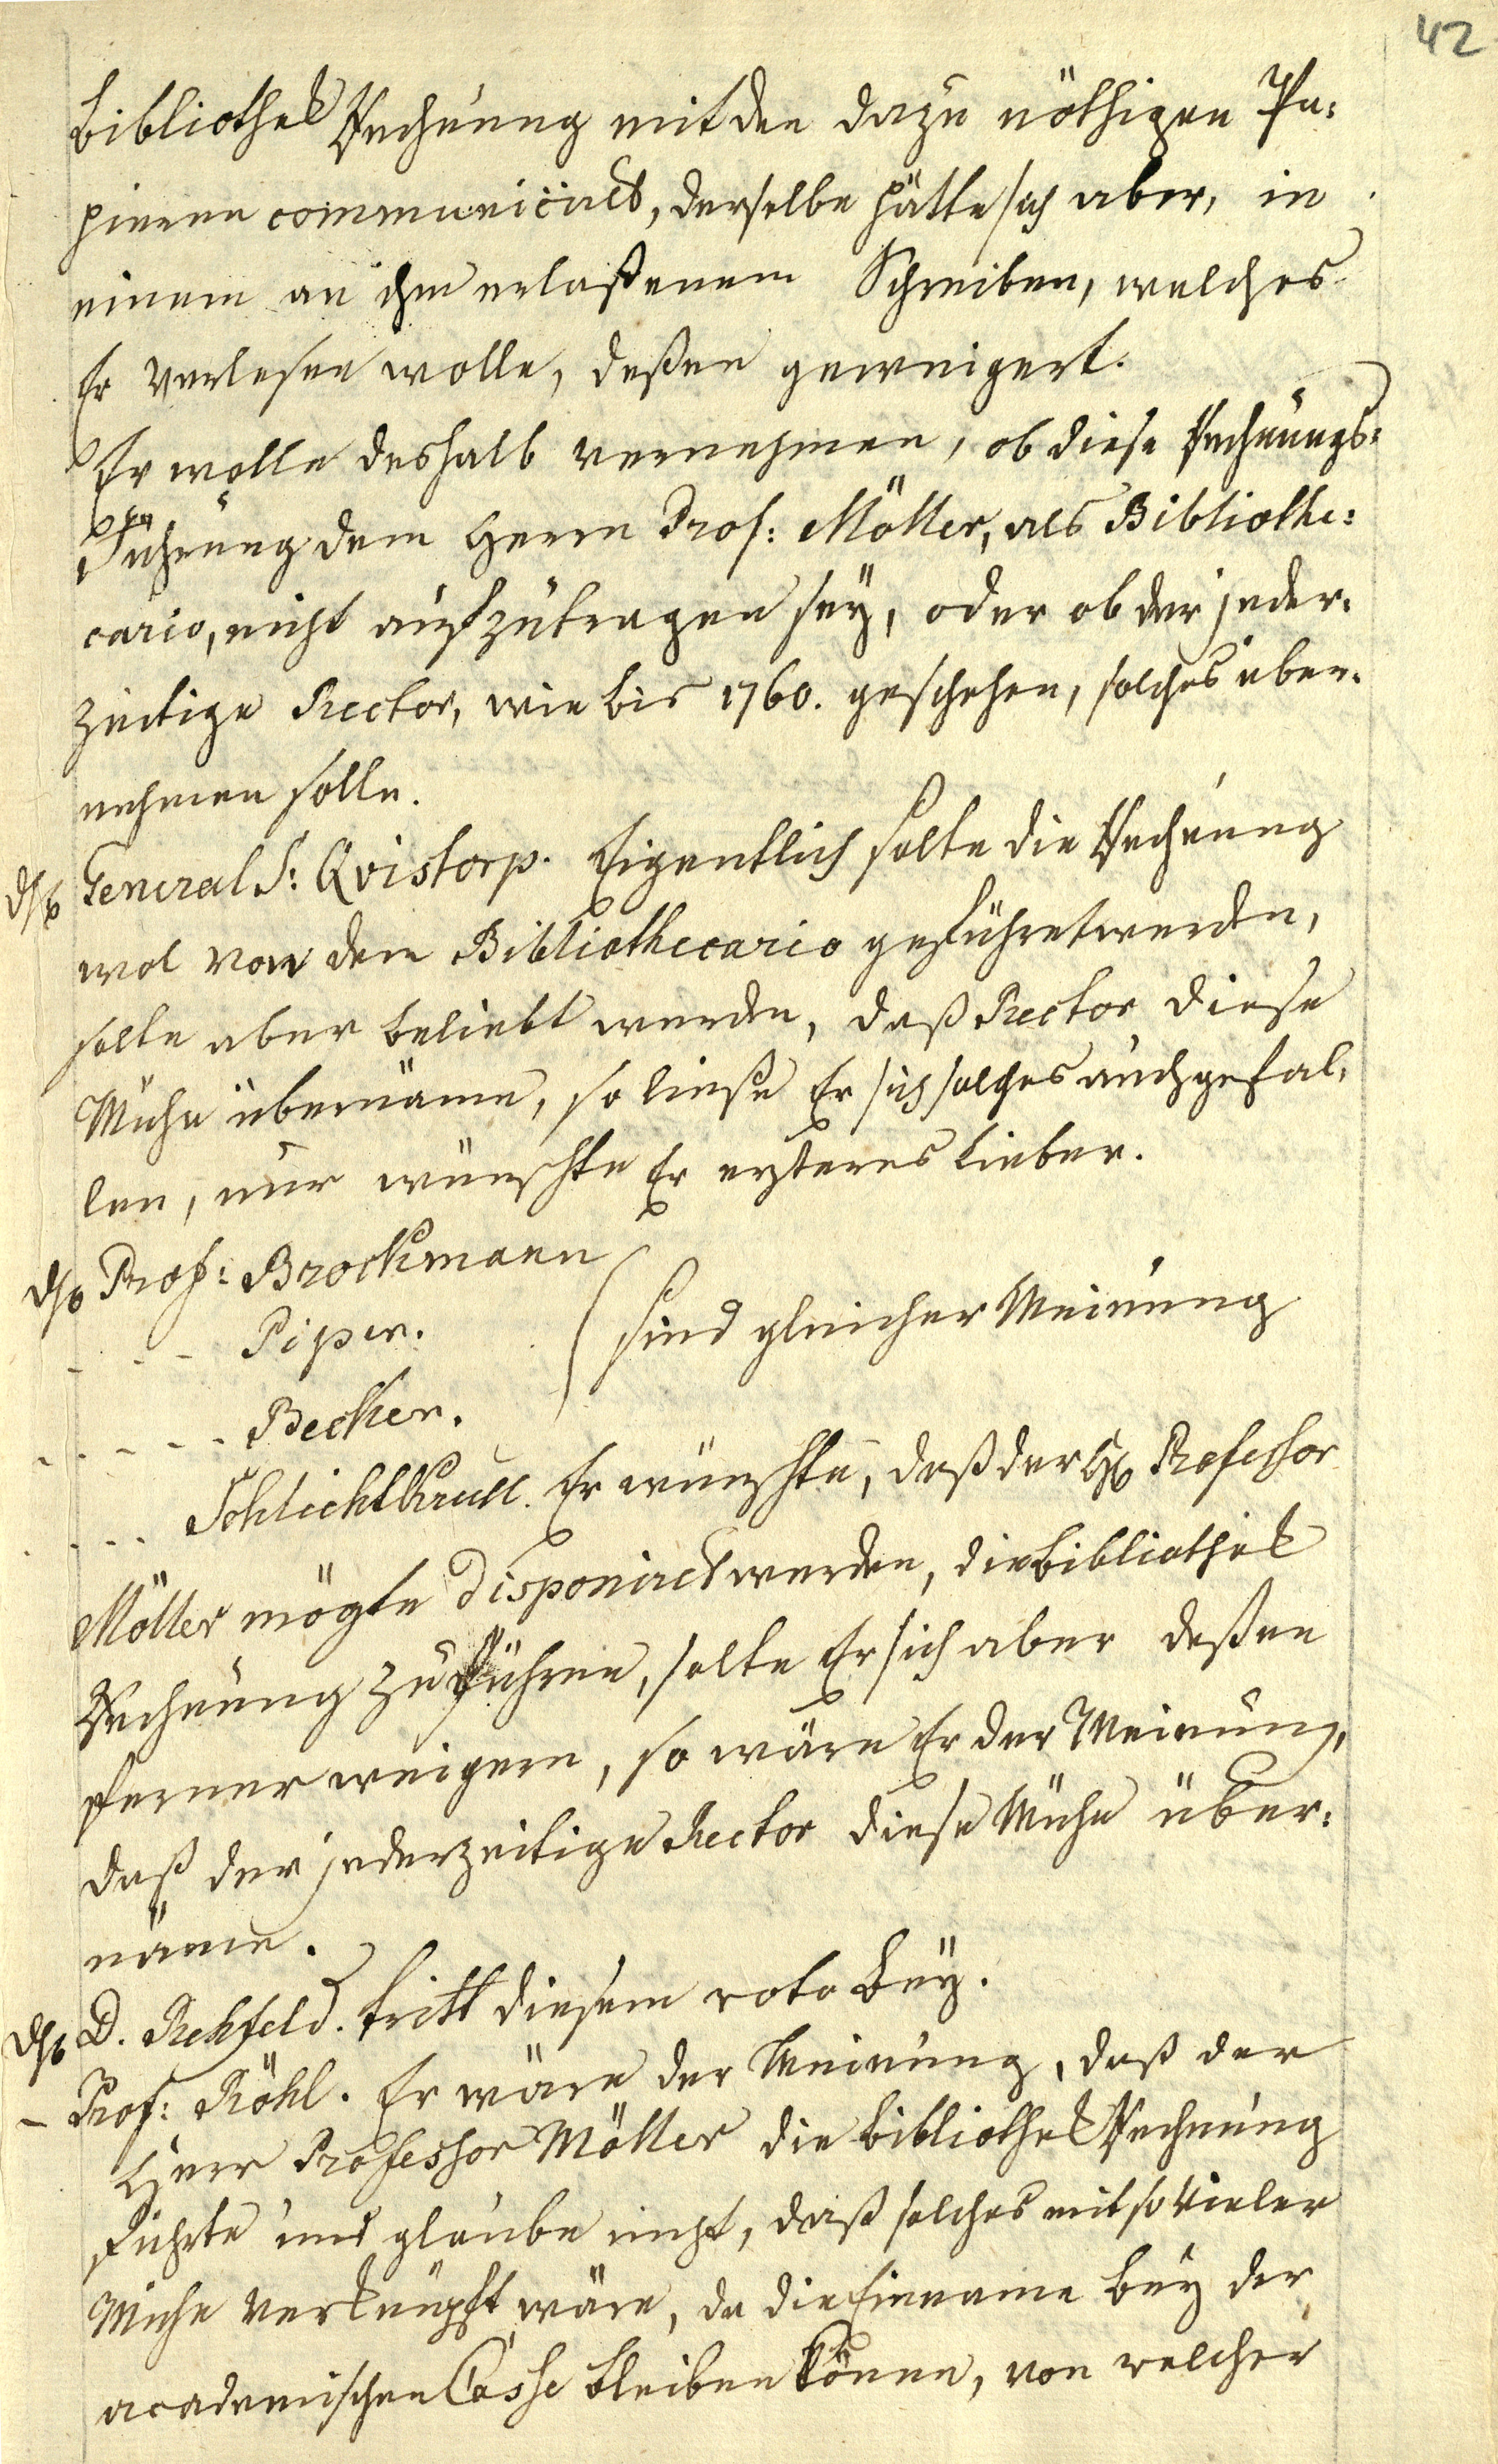Bibliothek Rechnung mit den dazu nöthigen Pa¬
pieren communiciret, derselbe hätte sich aber, in
einem an ihm erlaßenen Schreiben, welches
Er verlesen wolle, deßen geweigert.
Er wolle deshalb vernehmen, ob diese Rechnungs
Führung dem Herrn Prof. Möller, als Bibliothe¬
cario, nicht aufzutragen seÿ, oder ob der jeder¬
zeitige Rector, wie bis 1760. geschehen, solches über¬
nehmen solle.
dh GeneralS. Quistorp Eigentlich solte die Rechnung
wol von dem Bibliothecario geführetwerden,
solte aber beliebt werden, daß Rector diese
Mühe übernäme, so ließe Er sich solches auch gefal¬
len, nur wünschte Er ersteres lieber.
dh Prof: Brockmann
Piper.
sind gleicher Meinung
Becker.
Schlichtkrull. Er wünschte, daß der H Professor
Möller mögte disponiret werden, die Bibliothek
Rechnung zu führen, solte Er sich aber deßen
ferner weigern, so wäre Er der Meinung,
daß der jederzeitige Rector diese Mühe über¬
näme.
dh. D. Rehleld tritt diesem voto beÿ.
Prof. Röhl. Er wäre der Meinung, daß der
Herr Professor Möller die Bibliothek Rechnung
führte und glaube nicht, daß solches mit so vieler
Mühe verknüpft wäre, da die Einname beÿ der
academischen Casse bleiben könne, von welcher